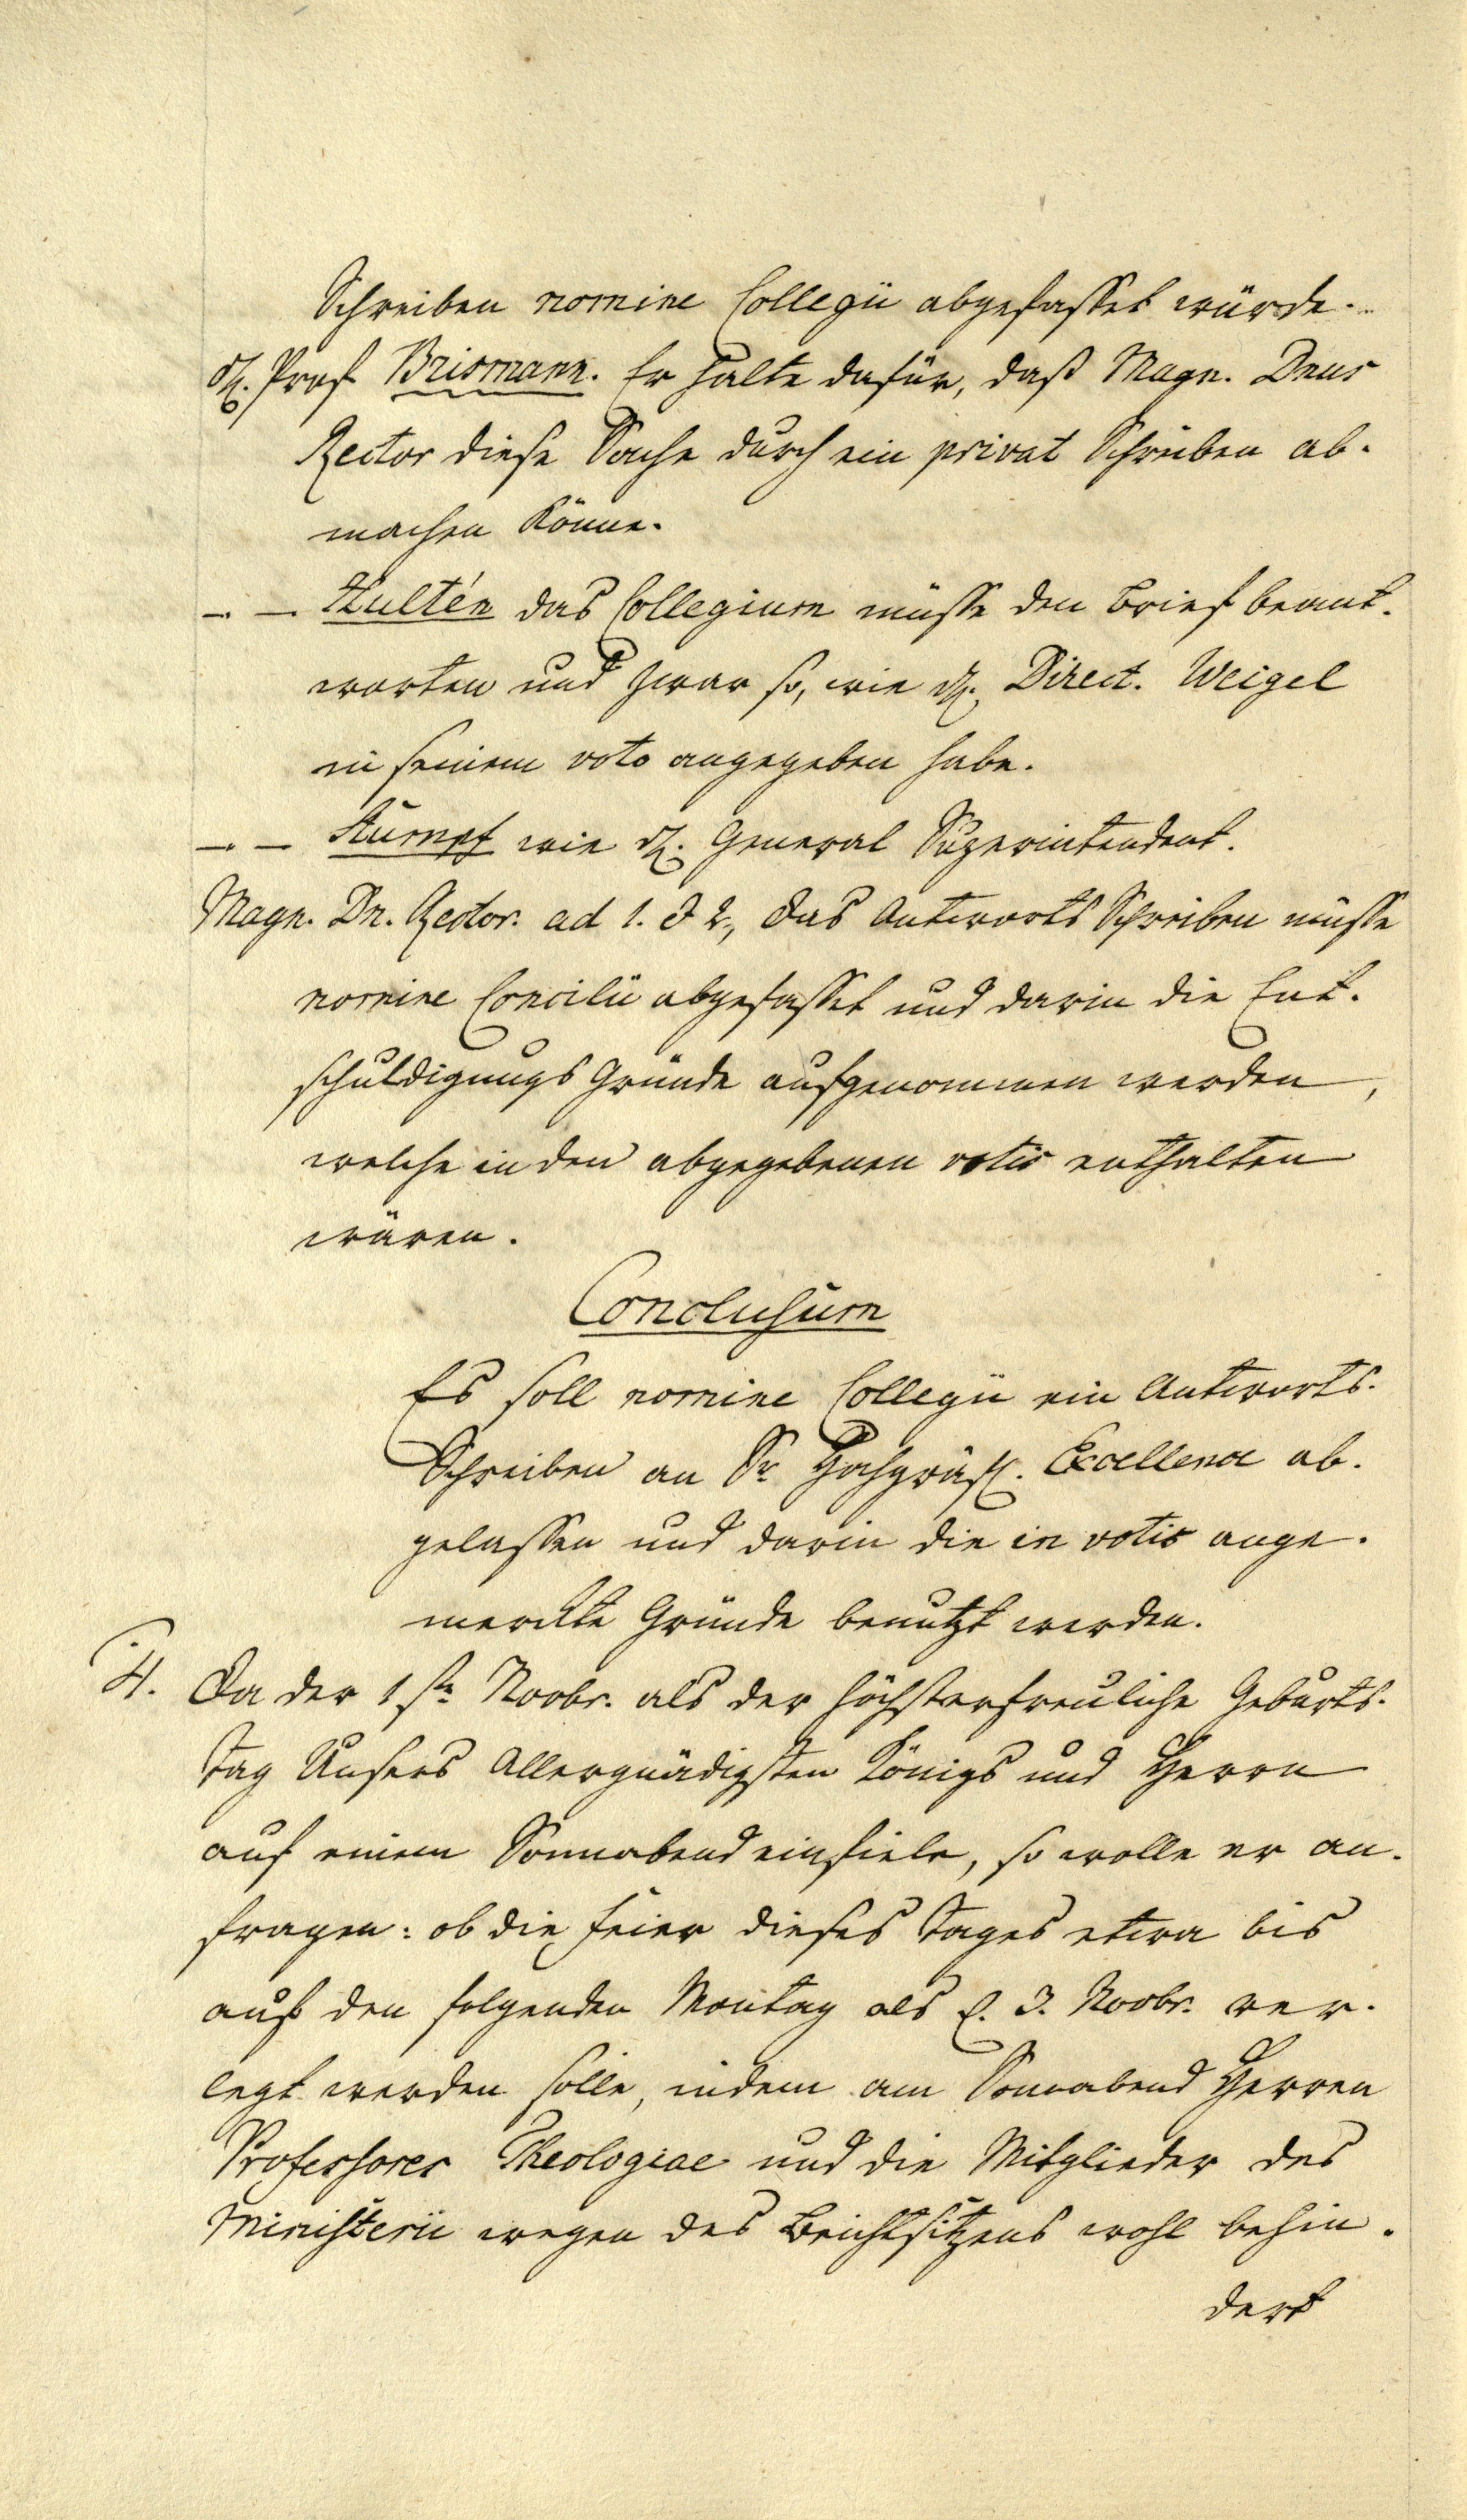Schreiben nomine Collegii abgefasset würde.
dh. Prof. Brismann. Er halte dafür, daß Magn. Dnus
Rector diese Sache durch ein privat Schreiben ab-
machen könne.
Hultén das Collegium müsse dem Brief beant¬
worten und zwar so, wie dh. Direct. Weigel
in seinem voto angegeben habe.
Stumpf wie dh. General Superintendent.
Magn. Dn. Rector: ad 1. et 2, das Antworts Schreiben müsse
nomine Concilii abgefasset und darin die Ent¬
schuldigungs Gründe aufgenommen werden,
welche in den abgegebenen votis enthalten
wären.
Conclusum
Es soll nomine Collegii ein Antworts¬
Schreiben an Sr Hochgräfl. Excellence ab¬
gelassen und darin die in votis ange¬
merckte Gründe benutzt werden.
4. Da der 1 t. Novbr. als der höchsterfreuliche Geburts¬
Tag Unsers Allergnädigsten Königs und Herrn
auf einem Sonnabend einfiele, so wolle er an¬
fragen: ob die Feier dieses Tages etwa bis
auf den folgenden Montag als d. 3. Novbr. ver¬
legt werden solle, indem am Sonnabend Herren
Professores Theologiae und die Mitglieder des
Ministerii wegen des Beichtsitzens wohl behin¬
dert